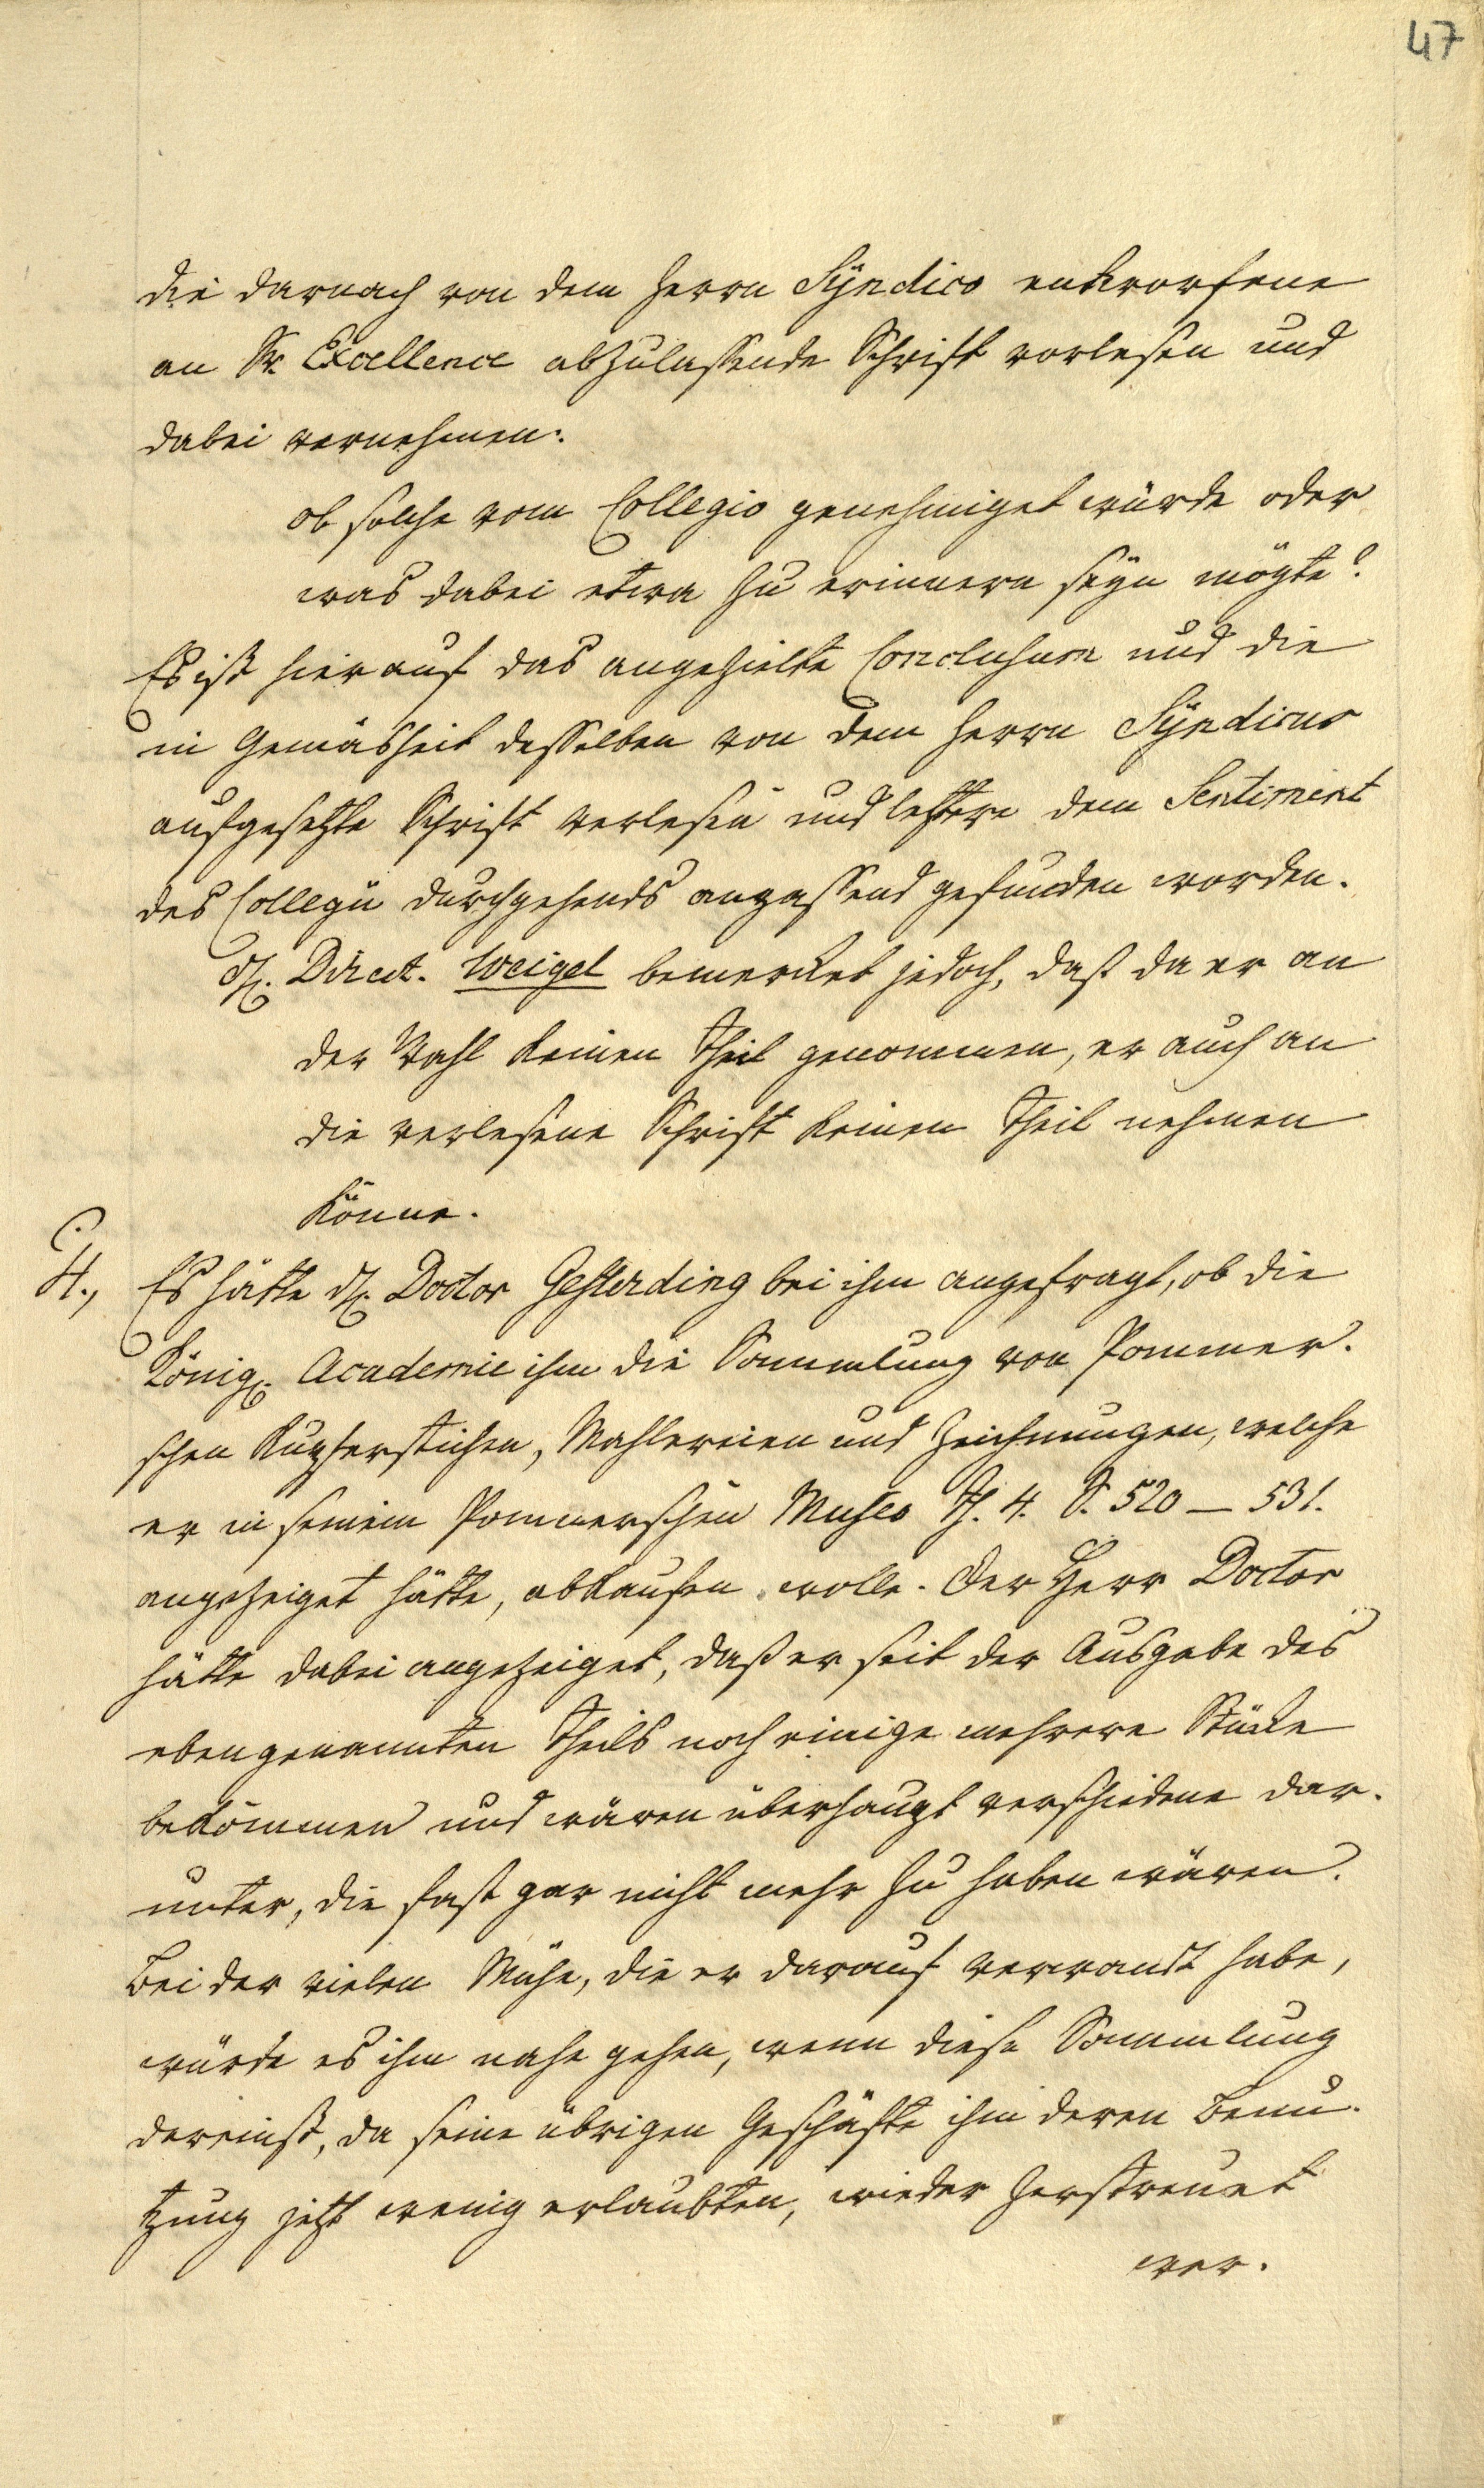die darnach von dem herrn Syndico entworfene
an Sr. Excellence abzulassende Schrift vorlesen und
dabei vernehmen:
ob solche vom Collegio genehmiget würde oder
was dabei etwa zu erinnnern seyn mögte?
Es ist hierauf das angezielte Conclusum und die
in Gemäsheit desselben von dem herrn Syndicus
aufgesetzte Schrift verlesen und letztere dem Sentiment
des Collegii durchgehends anpassend gefunden worden.
dh. Direct. Weigel bemerket jedoch, daß da er an
der Wahl keinen Theil genommen, er auch an
die verlesene Schrift keinen Theilnehmen
könne.
4. Es hätte dh. Doctor Gesterding bei ihm angefragt, ob die
Königl. Academie ihm die Sammlung von Pommer-
schen Kupferstichen, Mahlereien und Zeichnungen, welche
er in seinem Pommerschen Museo Th. 4. S. 520-531.
angezeiget hätte, abkaufen wolle. Der Herr Doctor
hätte dabei angezeiget, daß er seit der Ausgabe des
ebengenannten Theils noch einige mehrere Stücke
bekommen und wären überhaupt verschiedene dar-
unter, die fast gar nicht mehr zu haben wären.
Bei der vielen Mühe, die er darauf verwandt habe,
würde es ihm nahe gehen, wenn diese Sammlung
dereinst, da seine übrigen Geschäfte ihm deren Benu-
tzung jetzt wenig erlaubten, wieder zerstreuet
wer-